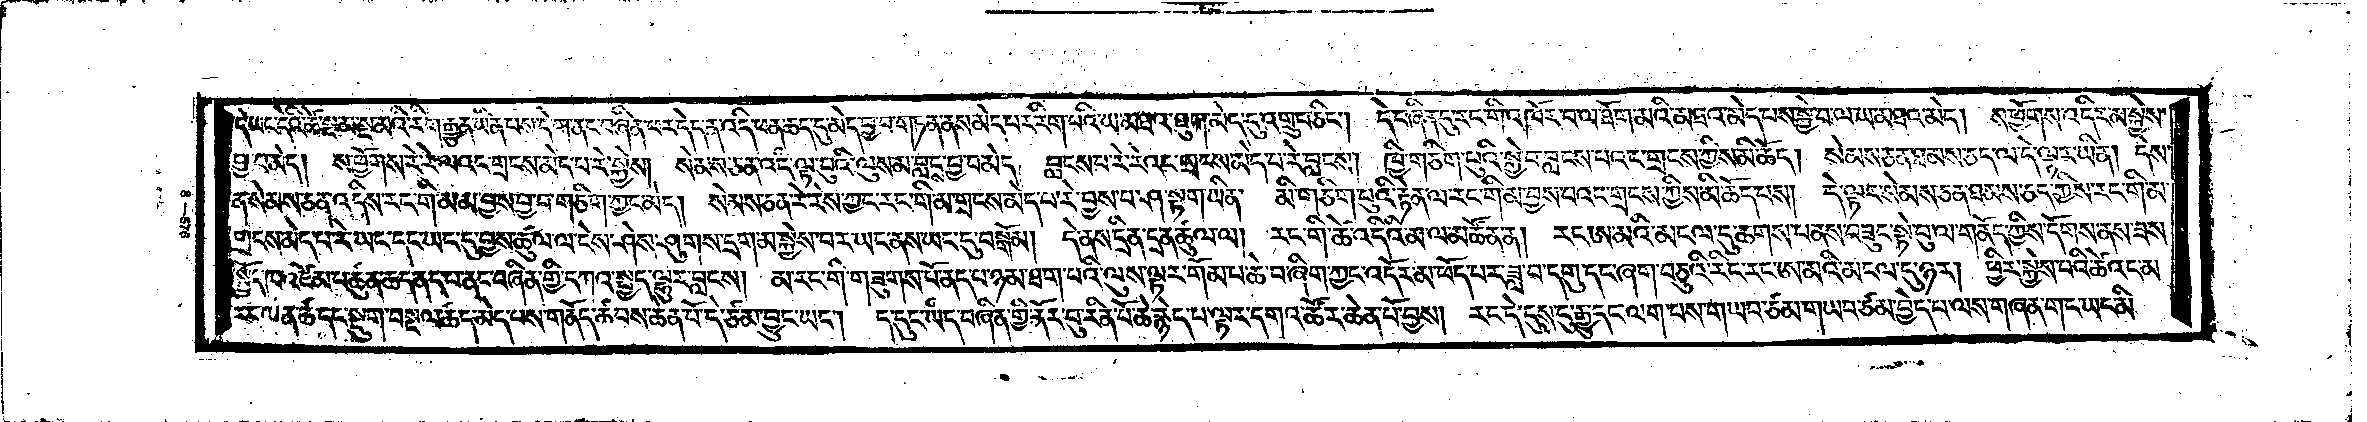དེ་ཡང་དེའི་ཚེ་སྔ་མ་སྔ་མའི་རིག་རྒྱུན་ཡིན་པས་དེ་ག་ནང་བཞིན་ཕར་དེད་ན་འདི་ཕན་ཆད་དུ་མེད་བྱ་བ་གཏན་ནས་མེད་པར་རིག་པའི་ཡ་མཐའ་ཐུག་མེད་དུ་འགྲུབ་ཅིང་། དེ་བཞིན་དུ་རང་གི་འཁོར་བ་ལ་ཐོག་མའི་མཐའ་མེད་པས་སྐྱེ་བ་ལ་ཡ་མཐའ་མེད། ས་ཕྱོགས་འདིར་མ་སྐྱེས་
བྱ་བ་མེད། ས་ཕྱོགས་རེ་རེ་ལའང་གྲངས་མེད་པ་རེ་སྐྱེས། སེམས་ཅན་འདི་ལྟ་བུའི་ལུས་མ་བླངས་བྱ་བ་མེད། བླངས་པ་རེ་རེའང་གྲངས་མེད་པ་རེ་བླངས། ཁྱི་གཅིག་བུའི་སྐྱེ་བ་བླངས་པའང་གྲངས་ཀྱིས་མི་ཆོད། སེམས་ཅན་ཐམས་ཅད་ལ་དེ་ལྟར་ཡིན། དེས་
ན་སེམས་ཅན་འདིས་རང་གི་མ་མ་བྱས་བྱ་བ་གཅིག་ཀྱང་མེད། སེམས་ཅན་རེ་རེས་ཀྱང་རང་གི་མ་གྲངས་མེད་པ་རེ་བྱས་པ་ཤ་སྟག་ཡིན། མི་གཅིག་པུའི་རྟེན་ལ་རང་གི་མ་བྱས་པའང་གྲངས་ཀྱིས་མི་ཆོད་པས། དེ་ལྟར་སེམས་ཅན་ཐམས་ཅད་ཀྱིས་རང་གི་མ་
གྲངས་མེད་པ་རེ་ཡང་དང་ཡང་དུ་བྱས་ཚུལ་ལ་ངེས་ཤེས་ཤུགས་དྲག་མ་སྐྱེས་བར་ཡང་ནས་ཡང་དུ་བསྒོམ། དེ་ནས་དྲིན་དྲན་ཚུལ་ལ། རང་གི་ཚེ་འདིའི་མ་ལ་མཚོན་ན། རང་ཨ་མའི་མངལ་དུ་ཆགས་པ་ནས་བཟུང་སྟེ་བུ་ལ་གནོད་ཀྱིས་དོགས་ནས་ཟས་
སྤྱོད་ཁ་འཛེམ་པ་ཚུན་ཆད་ནད་པ་ནང་བཞིན་གྱི་དཀའ་སྤྱད་ལྷུར་བླངས། མ་རང་གི་གཟུགས་པོ་ནད་པ་ཉམ་ཐག་པའི་ལུས་ལྟར་གོམ་པ་ཆེ་བ་ཞིག་ཀྱང་འདོར་མ་ཕོད་པར་ཟླ་བ་དགུ་དང་ཞག་བཅུའི་རིང་རང་ཨ་མའི་མངལ་དུ་ཉར། ཕྱིར་སྐྱེས་པའི་ཚེའང་མ་
རང་ལ་ན་ཚ་དང་སྡུག་བསྔལ་ཚད་མེད་པས་གནོད་ཚབས་ཆེན་པོ་དེ་ཙམ་བྱུང་ཡང་། ད་དུང་ཡིད་བཞིན་གྱི་ནོར་བུ་རིན་པོ་ཆེ་རྙེད་པ་ལྟར་དགའ་ཚོར་ཆེན་པོ་བྱས། རང་དེ་དུས་ངུ་རྒྱུ་དང་ལག་པས་གཡབ་ཙམ་གཡབ་ཙམ་བྱེད་པ་ལས་གཞན་གང་ཡང་མི་